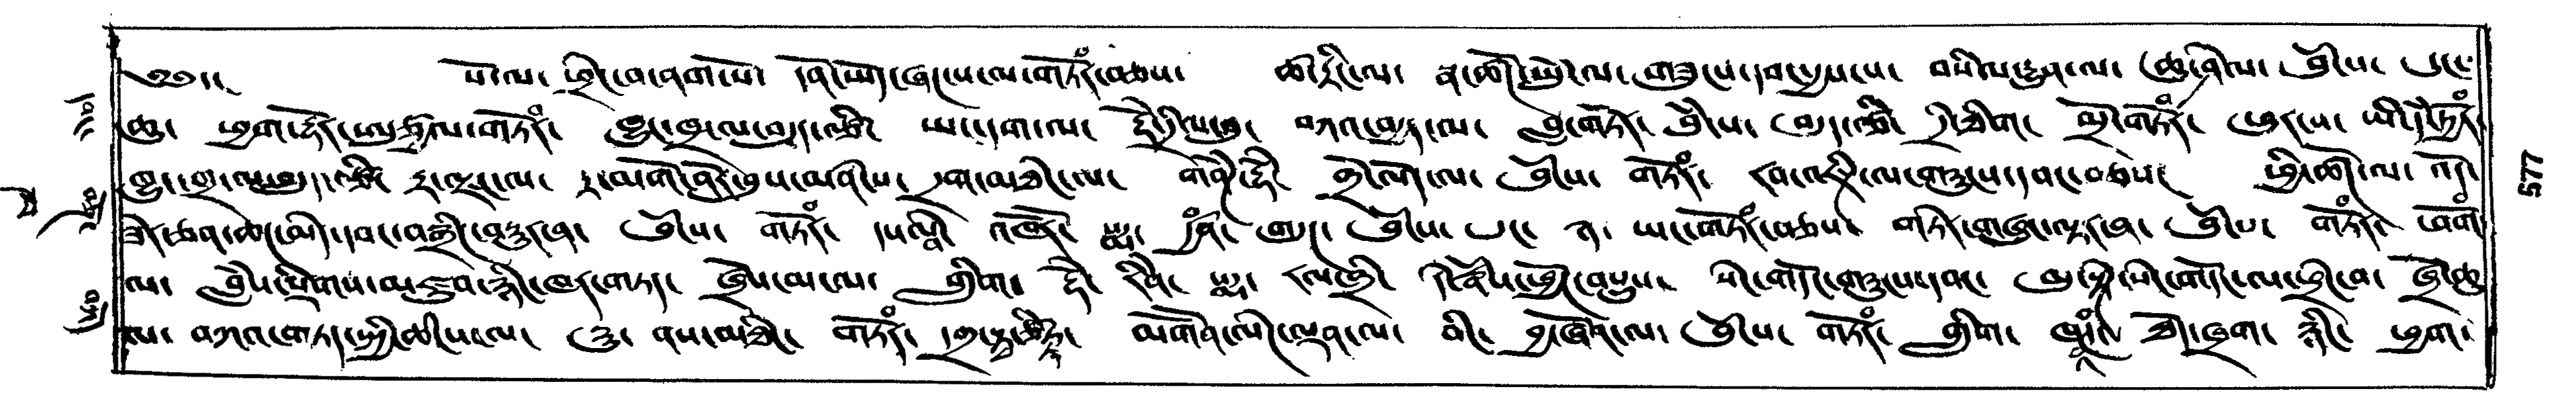པོ་ལ། ཕྲེང་བ་ནག་པོ། དོན་ཡོད་ཞགས་པ་ལ་གཏོར་བཅས། ཚ་རྟིང་ལ། སྣ་ཚོགས་ཡུམ་ལ་གཟུངས་དབང་རྒྱས་པ། བསིལ་རྒྱུན་ལ། ཆུ་ཤེལ། བུམ་པ། དུང་
ཆུ། ཕྱག་རྡོར་ཨུཙ་ལ་གཏོར་མ། ཁྱུང་ཁྲ་ལ་བདུད་རྩི། ཡང་དག་ལ། རྡོ་རྗེ་དྲིལ་བུ། བཀའ་བརྒྱད་ལ། བླ་གཏོར། བུམ་པ། བདུད་རྩི། དྲི་ཐིག མཁའ་འགྲོ་གཏོར་མ། ཕུར་པ། ཡི་དམ་གཏོར་མ་
ཁྱུང་ཁྲ་ལ་བདུད་རྩི། རྟ་ལྗང་ལ། རྟ་མགོ་ནོར་བུས་མཚན་པ། དྲག་མཐིང་ལ། གནམ་ལྕགས་རྡོ་རྗེ། གྲོ་ལོད་ལ། བུམ་པ། གཏོར་མ། རབ་འཇིགས་ལ་གཟུངས་དབང་བཅས། ཕྱི་ཚོགས་ལ། འོད་
ཟེར་ཅན་ཆགས་མེད་དབང་བསྒྲིགས་བསྐུར་ན། བུམ་པ། གཏོར་མ། དཔལ་བེའུ། འཁོར་ལོ། པདྨ། རྒྱ་མཚན། གདུགས། བུམ་པ། དུང་། ཉ། ཡང་གཏོར་མ་བཅས། གཏེར་གཞུང་ལྟར་ན། བུམ་པ། གཏོར་མ། ཕག་མོ་
ལ། བླ་མས་སྡིགས་མཛུབ་སྙིང་ཀར་གཏད། ཁྲོས་མ་ལ། གྲི་ཁུག རྡོ་རྗེ། རིན་ཆེན། པདྨ། རལ་གྲི། དེ་རྣམས་ཕྱོགས་བསྡུས། སེང་གདོང་གཟུངས་དབང་། མུ་སྟེགས་སེང་གདོང་ལ་ཕྲེང་བ། ཁྲོ་ཆུ་
ལ། བཀའ་གཏད་སྤྱི་ཆིངས་ལ། སྐུ། ནས་མཐིང་གཏོར་མ། དགྲ་སྟྭ་ཙིཏྟ། མགོན་པོ་ལེགས་ལྡན་ལ། བིང་། བྱ་བཞོན་ལ། བུམ་པ། གཏོར་མ། གྲི་ཁུག ཁྭཊཱཾ། ཐོད་ཁྲག སྙིང་། ཕྱག་